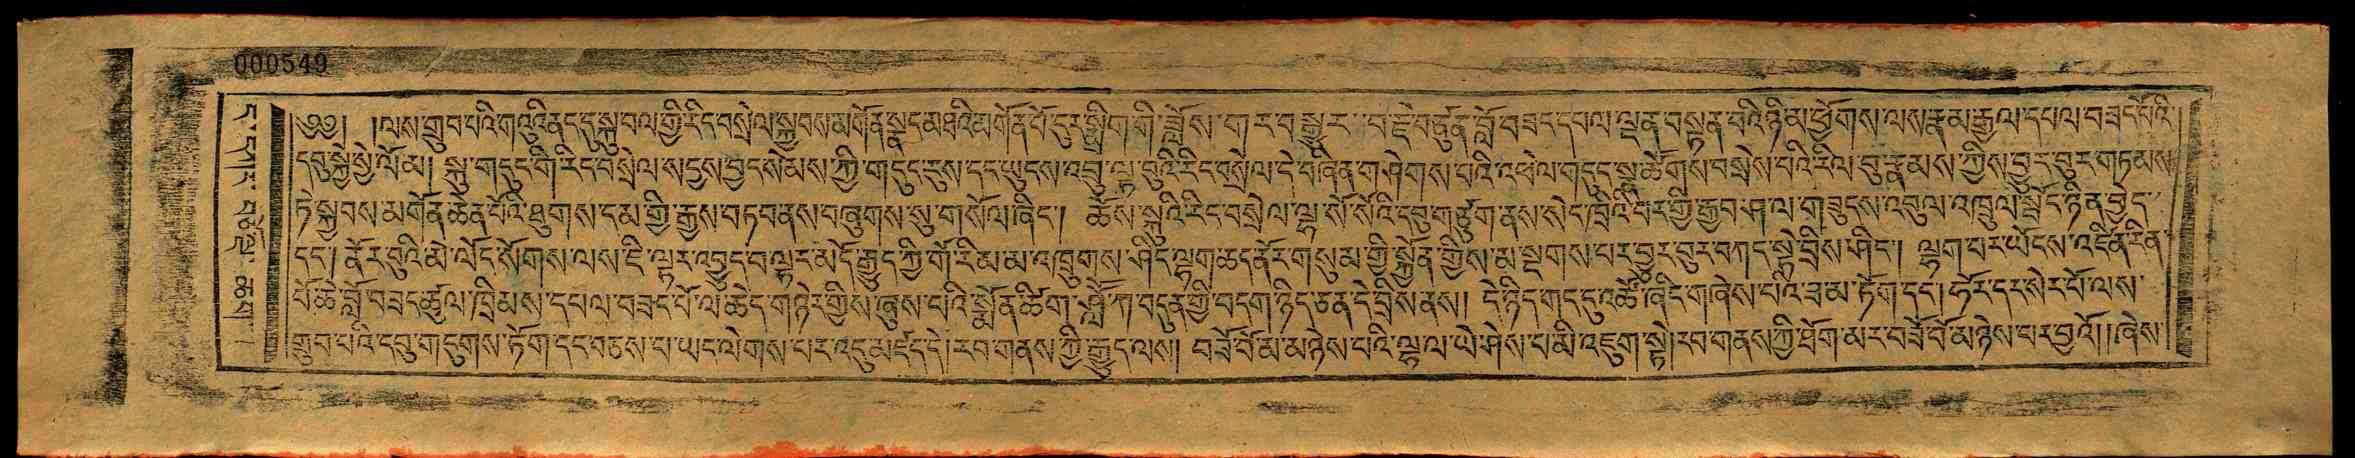།ལས་གྲུབ་པའི་གུའི་ནང་དུ་སྐུ་བལ་གྱི་རིང་བསྲེལ་སྐྱབས་མགོན་སྣང་མཐའི་མགོན་པོ་དུར་སྨྲིག་གི་ཟློས་གར་བསྒྱུར་་་བ་རྗེ་བཙུན་བློ་བཟང་དཔལ་ལྡན་བསྟན་བའི་ཉི་མ་ཕྱོགས་ལས་རྣམ་རྒྱལ་དཔལ་བཟང་པོའི་
དབུ་སྐྱེ་སྱི་ལོ་མ། སྐུ་གདུང་གི་རིང་བསྲེལ་སངྱས་བྱང་སེམས་ཀྱི་གདུང་རུས་དང་ཡུངས་འབྲུ་ལྟ་བུའི་རིང་བསྲེལ་དེ་བཞིན་གཤེགས་པའི་འཕེལ་གདུང་སྣ་ཚོགས་བསྲེས་པའི་རིལ་བུ་རྣམས་ཀྱིས་བྱུར་བུར་གཏམས་
ཏེ་སྐྱབས་མགོན་ཆེན་པོའི་ཐུགས་དམ་གྱི་རྒྱས་བཏབ་ནས་བཞུགས་སུ་གསོལ་ཞིང་། ཆོས་སྐུའི་རིང་བསྲེལ་ལྷ་སོ་སོའི་དབུ་གཙུག་ནས་སེང་ཁྲིའི་བར་གྱི་རྒྱབ་ཤ་ལ་གཟུངས་འབུལ་འཁྲུལ་སྤོང་ཉིན་བྱེད་
དང་། ནོར་བུའི་མེ་ལོང་སོགས་ལས་ཇི་ལྟར་འབྱུང་བ་ལྟར་མདོ་རྒྱུད་ཀྱི་གོ་རིམ་མ་འཁྲུགས་ཤིང་ལྷག་ཆད་ནོར་གསུམ་གྱི་སྐྱོན་གྱིས་མ་སྦགས་པར་བྱུར་བུར་བཀང་སྟེ་བྲིས་ཤིང་། ལྷག་པར་ཡོངས་འཛིན་རིན་
པོ་ཆེ་བློ་བཟང་ཚུལ་ཁྲིམས་དཔལ་བཟང་པོ་ལ་ཆེད་གཉེར་གྱིས་ཞུགས་པའི་སྨོན་ཚིག་ཤླཽ་ཀ་བདུན་གྱི་བདག་ཉིད་ཅན་དེ་བྲིས་ནས། དེ་ཉིད་གང་དུ་འཚོ་ཞིང་གཞེས་པའི་ཟ་མ་ཏོག་དང་། ཧོར་དང་སེར་པོ་ལས་
གྲུབ་པའི་དབུ་གདུགས་ཏོག་དང་བཅས་པ་ཡང་ལེགས་པར་འདུ་མཛད་དེ། རབ་གནས་ཀྱི་རྒྱུད་ལས། བཟོ་བོ་མ་མཉེས་པའི་ལྷ་ལ་ཡེ་ཤེས་པ་མི་འཇུག་སྟེ། རབ་གནས་ཀྱི་ཐོག་མར་བཟོ་བོ་མཉེས་པར་བྱའོ། །ཞེས་